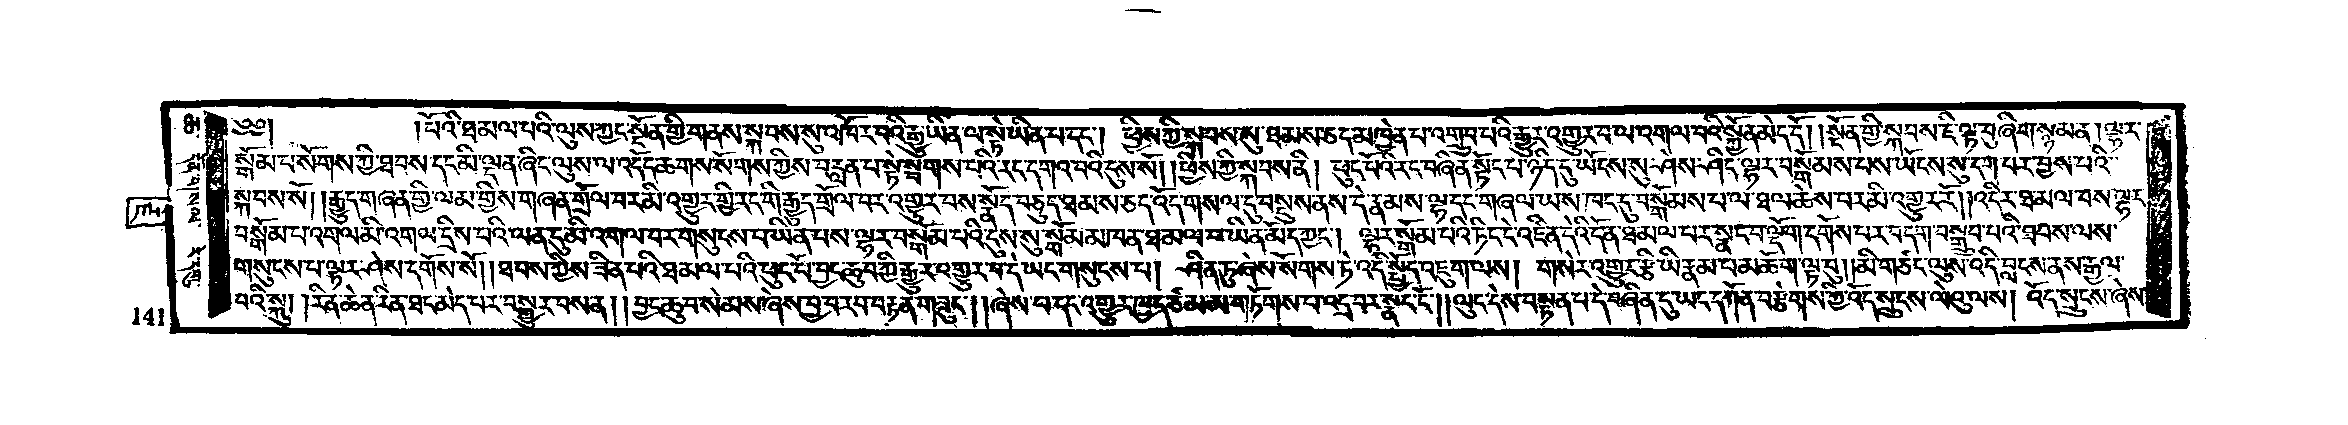༄༅། །པོའི་ཐ་མལ་པའི་ལུས་ཀྱང་སྔོན་གྱི་གནས་སྐབས་སུ་འཁོར་བའི་རྒྱུ་ཡིན་ལ་སྟེ་ཡིན་པ་དང་། ཕྱིས་ཀྱི་སྐབས་སུ་ཐམས་ཅད་མཁྱེན་པ་འགྲུབ་པའི་རྒྱུར་འགྱུར་བ་ལ་འགལ་བའི་སྐྱོན་མེད་དོ། །སྔོན་གྱི་སྐབས་ཇི་ལྟ་བུ་ཞིག་སྙམ་ན། ལྷར་
སྒོམ་པ་སོགས་ཀྱི་ཐབས་དང་མི་ལྡན་ཞིང་ལུས་ལ་འདོད་ཆགས་སོགས་ཀྱིས་བརླན་པ་སྟེ་སྦགས་པའི་རང་དགའ་བའི་དུས་སོ། །ཕྱིས་ཀྱི་སྐབས་ནི། ཕུང་པོའི་རང་བཞིན་སྟོང་པ་ཉིད་དུ་ཡོངས་སུ་ཤེས་ཤིང་ལྷར་བསྒོམས་པས་ཡོངས་སུ་དག་པར་བྱས་པའི་
སྐབས་སོ། །རྒྱུད་གཞན་གྱི་ལམ་གྱིས་གཞན་གྲོལ་བར་མི་འགྱུར་གྱི་རང་གི་རྒྱུད་གྲོལ་བར་འགྱུར་བས་སྣོད་བཅུད་ཐམས་ཅད་འོད་གསལ་དུ་བསྡུས་ནས་དེ་རྣམས་ལྷ་དང་གཞལ་ཡས་ཁང་དུ་བསྒོམས་པ་ལ་ཐལ་ཆེས་པར་མི་འགྱུར་རོ། །འདིར་ཐ་མལ་བས་ལྷར་
བསྒོམ་པ་འགལ་མི་འགལ་དྲིས་པའི་ལན་དུ་མི་འགལ་བར་གསུངས་པ་ཡིན་པས་ལྷར་བསྒོམ་པའི་དུས་སུ་སྒོམ་མཁན་ཐ་མལ་པ་ཡིན་མོད་ཀྱང་། ལྷར་སྒོམ་པའི་ཏིང་ངེ་འཛིན་དེའི་དོན་ཐ་མལ་པར་སྣང་བ་ལྡོག་དགོས་པར་བདག་བསྒྲུབ་པའི་ཐབས་ལས་
གསུངས་པ་ལྟར་ཤེས་དགོས་སོ། །ཐབས་ཀྱིས་ཟིན་པའི་ཐ་མལ་པའི་ཕུང་པོ་བྱང་ཆུབ་ཀྱི་རྒྱུར་འགྱུར་བ་དེ་ཡང་གསུངས་པ། ཤིན་ཏུ་ཞེས་སོགས་ཏེ་འདི་སྤྱོད་འཇུག་ལས། གསེར་འགྱུར་རྩི་ཡི་རྣམ་པ་མཆོག་ལྟ་བུ། །མི་གཙང་ལུས་འདི་བླངས་ནས་རྒྱལ་
བའི་སྐུ། །རིན་ཆེན་རིན་ཐང་མེད་པར་བསྒྱུར་བས་ན། །བྱང་ཆུབ་སེམས་ཞེས་བྱ་བ་རབ་བརྟན་གཟུང་། །ཞེས་པ་དང་འགྱུར་ཁྱད་ཙམ་མ་གཏོགས་པ་འདྲ་བར་སྣང་ངོ། །ལུང་དེས་བསྟན་པ་དེ་བཞིན་དུ་ཡང་དཀོན་བརྩེགས་ཀྱི་འོད་སྲུངས་ལེའུ་ལས། འོད་སྲུངས་ཞེས་